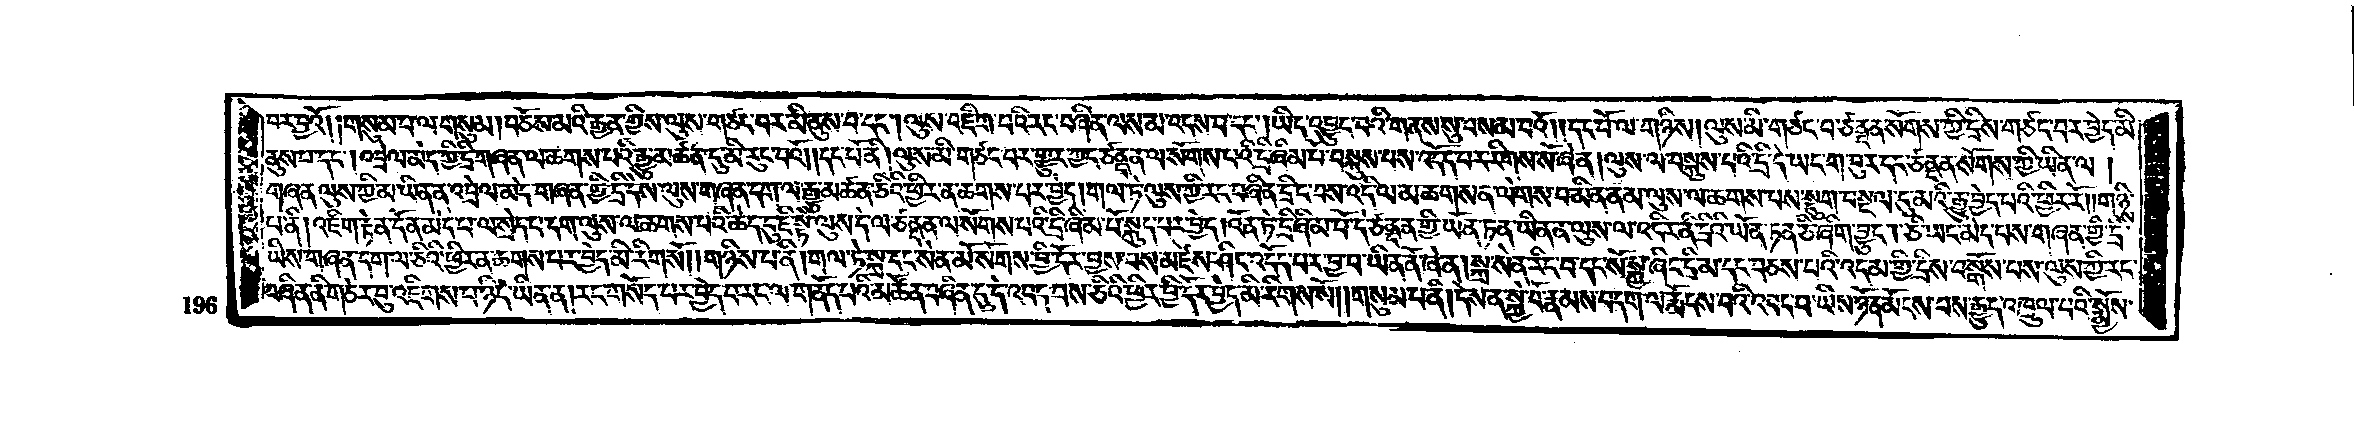བར་བྱའོ། །གསུམ་པ་ལ་གསུམ། བཅོས་མའི་རྒྱན་གྱིས་ལུས་གཙང་བར་མི་ནུས་པ་དང་། ལུས་འཇིག་པའི་རང་བཞིན་ལས་མ་འདས་པ་དང་། ཡིད་འབྱུང་བའི་གནས་སུ་བསམ་པའོ། །དང་པོ་ལ་གཉིས། ལུས་མི་གཙང་བ་ཙནདན་སོགས་ཀྱི་དྲིས་གཙང་བར་བྱེད་མི་
ནུས་པ་དང་། འབྲེལ་མེད་ཀྱི་དྲི་གཞན་ལ་ཆགས་པའི་རྒྱུ་མཚན་དུ་མི་རུང་བའོ། །དང་པོ་ནི། ལུས་མི་གཙང་བར་གྱུར་ཀྱང་ཙནདན་ལ་སོགས་པའི་དྲི་ཞིམ་པོ་བསྐུས་པས་འདོད་པར་རིགས་སོ་ཞེ་ན། ལུས་ལ་བསྐུས་པའི་དྲི་དེ་ཡང་ག་བུར་དང་ཙནདན་སོགས་ཀྱི་ཡིན་ལ།
གཞན་ལུས་ཀྱི་མ་ཡིན་ན་འབྲེལ་མེད་གཞན་གྱི་དྲི་ངེས་ལུས་གཞན་དག་ལ་རྒྱུ་མཚན་ཅིའི་ཕྱིར་ན་ཆགས་པར་བྱེད། གལ་ཏེ་ལུས་ཀྱི་རང་བཞིན་དྲི་ང་བས་འདི་ལ་མ་ཆགས་ན་ལེགས་པ་མིན་ནམ་ལུས་ལ་ཆགས་པས་སྡུག་བསྔལ་དུ་མའི་རྒྱུ་བྱེད་པའི་ཕྱིར་རོ། །གཉིས་
པ་ནི། འཇིག་རྟེན་དོན་མེད་པ་ལ་སྲེད་པ་དག་ལུས་ལ་ཆགས་པ་ཆེད་དུ་ཇི་སྟེ་ལུས་དེ་ལ་ཙནདན་ལ་སོགས་པའི་དྲི་ཞིམ་པོ་སྐུད་པར་བྱེད། འོན་ཏེ་དྲི་ཞིམ་པོ་དེ་ཙནདན་གྱི་ཡོན་ཏན་ཡིན་ན་ལུས་ལ་འདིར་ནི་དྲིའི་ཡོན་ཏན་ཅི་ཞིག་བྱུང་། ཅི་ཡང་མེད་པས་གཞན་གྱི་དྲི་
ཡིས་གཞན་དག་ལ་ཅིའི་ཕྱིར་ན་ཆགས་པར་བྱེད་མི་རིགས་སོ། །གཉིས་པ་ནི། གལ་ཏེ་སྐྲ་དང་སེན་མོ་སོགས་བྱི་དོར་བྱས་པས་མཛེས་ཤིང་འདོད་པར་བྱ་བ་ཡིན་ནོ་ཞེ་ན། སྐྲ་སེན་རིང་བ་དང་སོ་སྐྱེ་ཞིང་དྲི་མ་དང་བཅས་པའི་འདམ་གྱི་དྲིས་བསྒོས་པས་ལུས་ཀྱི་རང་
བཞིན་ནི་གཅེར་བུ་འཇིགས་པ་ཉིད་ཡིན་ན། རང་གསོད་པར་བྱེད་པ་རང་ལ་གནོད་པའི་མཚོན་བཞིན་དུ་དེ་འབད་པས་ཅིའི་ཕྱིར་བྱེད་དོར་བྱེད་མི་རིགས་སོ། །གསུམ་པ་ནི། དེས་ན་སྐྱེ་བོ་རྣམས་བདག་ལ་རྨོངས་པའི་འབད་པ་ཡིས་ཉོན་མོངས་པས་རྒྱུད་འཁྲུལ་པའི་སྨྱོས་